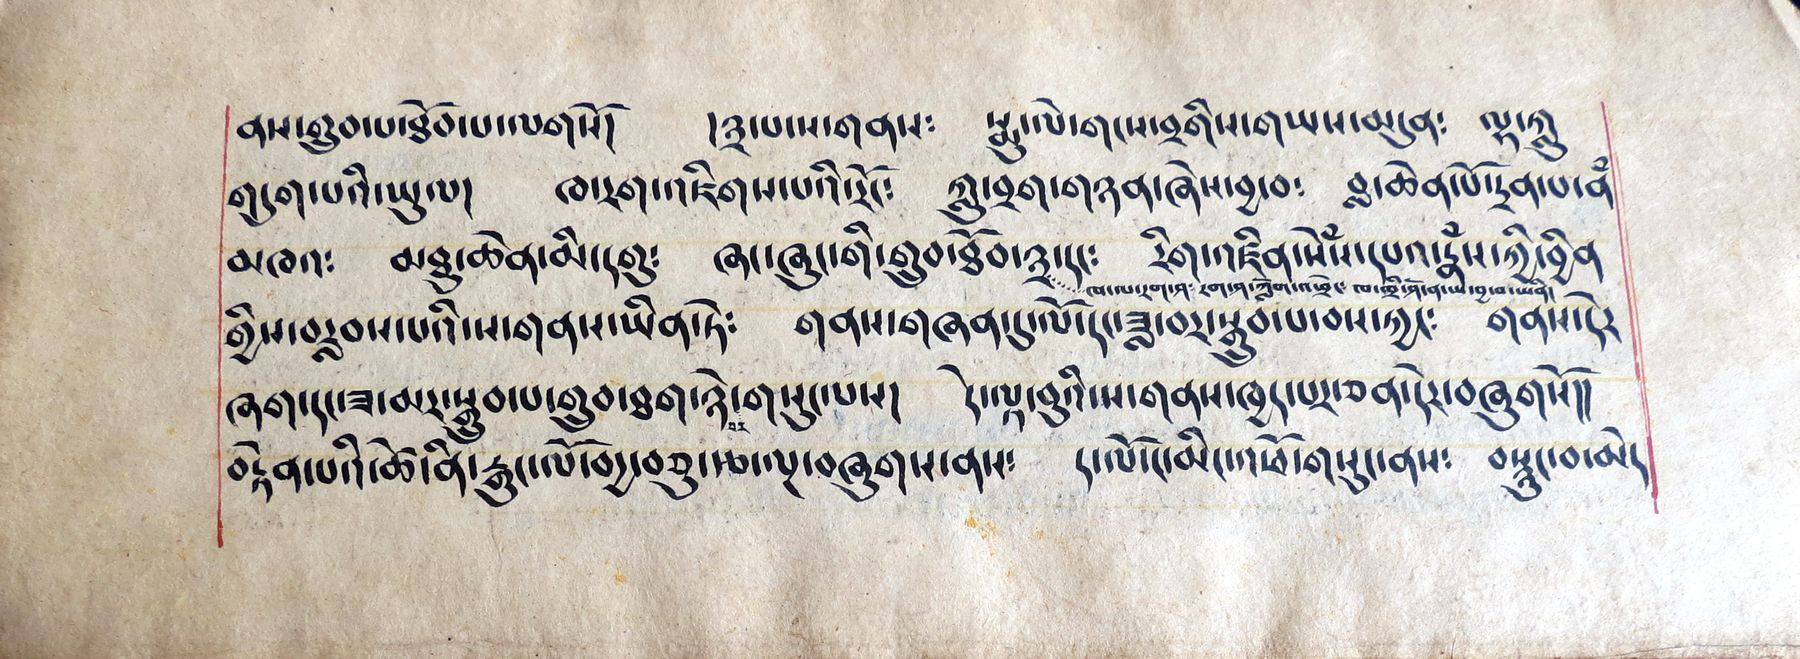ནས་གྲུབ་པ་ཐོབ་པ་ལགས་སོ། །གསུམ་པ་ས་གནས་སྨུ་ལེ་གངས་བྲག་གི་གཡས་མདུན། ལྷ་ཀླུ་
གདུག་པའི་ཡུལ། ཁ་རག་འཇིགས་པའི་རོང་། ཀླུ་བྲག་གཉན་ཞེས་བྱ་བ། བླ་ཆེན་པོ་དྲན་པ་ནམ་
མཁའ། མཐུ་ཆེན་མི་དགུ། ཞང་ཞུང་གི་གྲུབ་ཐོབ་༼ཁ་ལ་རག་ཤ། རག་ཤ་ཀློག་འཕྲེང་། ཁ་ཁྲི་ཤོ་ན་ཡ་བྱ་བ་ཡིན༽གསུམ་དང་། རིག་འཛིན་སེམས་དཔའ་རྣམས་ཀྱིས་བྱིན་
གྱིས་བརླབས་པའི་ས་གནས་ཡིན་ཏེ། གནས་གཞན་དུ་ལོ་དང་ཟླ་བར་བསྒྲུབ་པ་བས་ཀྱང་། གནས་དེར་
ཞག་དང་ཟ་མ་བསྒྲུབ་པ། གྲུབ་ཐག་ཉེ་བར་གསུངས་པས། དེ་ལྟ་བུའི་ས་གནས་ཁྱད་པར་ཅན་དེར་བཞུགས་སོ། །
བརྟེན་པའི་ཚེ་ནི་དགུང་ལོ་བརྒྱད་ཅུ་རྩ་ལྔ་བཞུགས་ནས། ད་ལོ་ང་མིང་འཕོ་གསུངས་ནས། བསྙུང་བ་མེད་